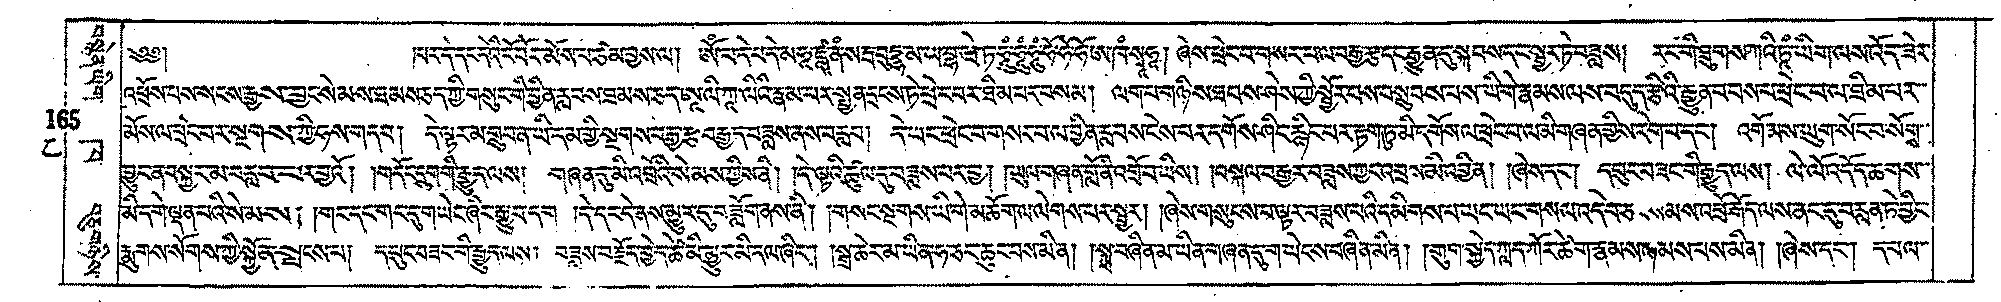༄༅། །པར་དེ་དང་དེའི་ངོ་བོར་མོས་པ་ཙམ་བྱས་ལ། ཨོཾ་པ་དེ་པ་དེ་མཧཱ་ཛྙཱ་ནཾ་སརྦ་བུདྡྷ་མ་ཡ་བྷ་ཝེ་ཏ་ཧཱུཾ་ཧཱུཾ་ཧཱུཾ་ཧོ་ཧོ་ཧོ་ཨ་ཁཾ་སྭཱཧཱ། ཞེས་ཕྲེང་བ་གསར་པ་ལ་བརྒྱ་རྩ་དང་རྒྱུན་དུ་སྐབས་དང་སྦྱར་ཏེ་བཟླས། རང་གི་ཐུགས་ཀའི་ཏཱཾ་ཡིག་ལས་འོད་ཟེར་
འཕྲོས་པས་སངས་རྒྱས་བྱང་སེམས་ཐམས་ཅད་ཀྱི་གསུང་གི་བྱིན་རླབས་ཐམས་ཅད་ཨཱ་ལི་ཀཱ་ལིའི་རྣམ་པར་སྤྱན་དྲངས་ཏེ་ཕྲེང་བར་ཐིམ་པར་བསམ། ལག་པ་གཉིས་ཐབས་ཤེས་ཀྱི་སྦྱོར་བས་བསྲུབས་པས་ཡི་གེ་རྣམས་ལས་བདུད་རྩིའི་རྒྱུན་བབས་པ་ཕྲེང་བ་ལ་ཐིམ་པར་་་
མོས་ལ་ཕྲེང་བར་སྔགས་ཀྱི་ཆས་གདབ། དེ་ལྟར་མ་གྲུབ་ན་ཡི་དམ་གྱི་སྔགས་བརྒྱ་རྩ་བརྒྱད་བཟླས་ནས་བརླབ། དེ་ཡང་ཕྲེང་བ་གསར་པ་ལ་བྱིན་རླབས་ངེས་པར་དགོས་ཤིང་རྙིང་པར་རྟག་ཏུ་མི་དགོས་ལ་ཕྲེང་བ་ལ་མི་གཞན་གྱིས་རེག་པ་དང་། འགོམས་ཡུག་སོང་བ་སོགས་་་
བྱུང་ན་བསྐྱར་མ་བརླབ་པར་བྱའོ། །གདོང་དྲུག་གི་རྒྱུད་ལས། གཞན་དུ་མི་འགྲོའི་སེམས་ཀྱིས་ནི། །དེ་ལྟའི་ཚུལ་དུ་བཟླས་པར་བྱ། །ཡུལ་གཞན་བློ་ནི་འགྲོ་བ་ཡིས། །བསྐལ་བརྒྱར་བཟླས་ཀྱང་འབྲས་མི་འབྱིན། །ཞེས་དང་། དཔུང་བཟང་གི་རྒྱུད་ལས། ལེ་ལོ་འདོད་ཆགས་་་
མི་དགེ་ལྡན་པའི་སེམས། །གང་དང་གང་དུ་གཡེང་ཞིང་རྒྱུ་བ་དག །དེ་དང་དེ་ནས་མྱུར་དུ་བཟློག་ནས་ནི། །གསང་སྔགས་ཡི་གེ་མཆོག་ལ་ལེགས་པར་སྦྱར། །ཞེས་གསུངས་པ་ལྟར་བཟླས་པའི་དམིགས་པ་ཡང་ཡང་གསལ་འདེབ་ཅང་སེམས་འཕྲོ་རྒོད་ལས་ནང་དུ་བརླན་ཏེ་བྱིང་
རྨུགས་སོགས་ཀྱི་སྐྱོན་སྤངས་པ། དཔུང་བཟང་གི་རྒྱུད་ལས། བཟླས་བརྗོད་བྱེད་ཚེ་མི་མྱུར་མི་དལ་ཞིང་། །སྒྲ་ཆེར་མ་ཡིན་ཧ་ཅང་ཆུང་བས་མིན། །སྨྲ་བཞིན་མ་ཡིན་གཞན་དུ་གཡེངས་བཞིན་མིན། །གུག་སྐྱེད་ཀླད་ཀོར་ཚེག་རྣམས་ཉམས་པས་མིན། །ཞེས་དང་། དཔལ་་་